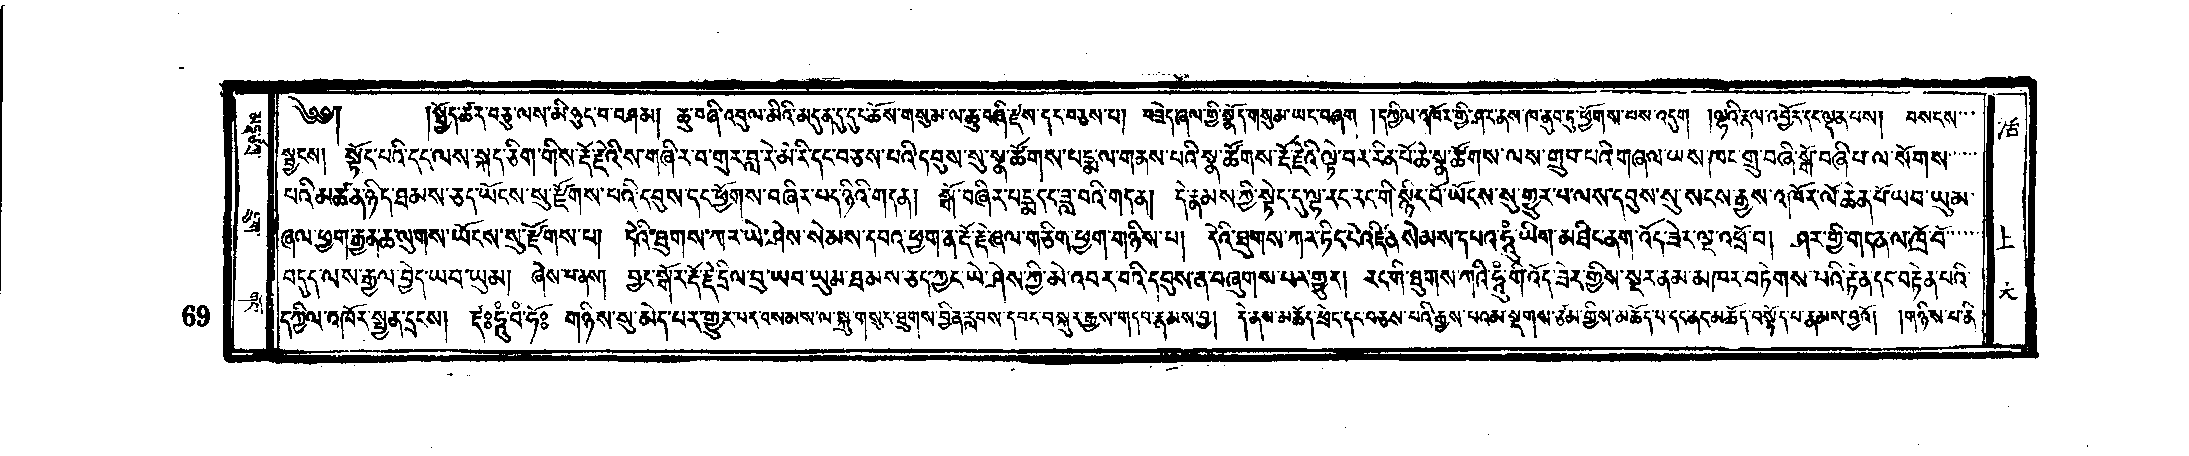༄༅། །སྤྱོད་ཚར་བཅུ་ལས་མི་ཉུང་བ་བཤམ། ཆུ་བཞི་འབུལ་མིའི་མདུན་དུ་དུང་ཆོས་གསུམ་ལ་ཆུ་བཞི་རྫས་དང་བཅས་པ། བཟེད་ཞལ་གྱི་སྣོད་གསུམ་ཡང་བཞག །དཀྱིལ་འཁོར་གྱི་ཤར་ནས་ཁ་ནུབ་ཏུ་ཕྱོགས་པས་འདུག །ལྷའི་རྣལ་འབྱོར་དང་ལྡན་པས། བསངས་
སྦྱངས། སྟོང་པའི་ངང་ལས་སྐད་ཅིག་གིས་རྡོ་རྗེའི་ས་གཞིར་བ་གུར་བླ་རེ་མེ་རི་དང་བཅས་པའི་དབུས་སུ་སྣ་ཚོགས་པདམ་ལ་གནས་པའི་སྣ་ཚོགས་རྡོ་རྗེའི་ལྟེ་བར་རིན་པོ་ཆེ་སྣ་ཚོགས་ལས་གྲུབ་པའི་གཞལ་ཡས་ཁང་གྲུ་བཞི་སྒོ་བཞི་པ་ལ་སོགས་
པའི་མཚན་ཉིད་ཐམས་ཅད་ཡོངས་སུ་རྫོགས་པའི་དབུས་དང་ཕྱོགས་བཞིར་པད་ཉིའི་གདན། སྒོ་བཞིར་པདམ་དང་ཟླ་བའི་གདན། དེ་རྣམས་ཀྱི་སྟེང་དུ་ལྷ་རང་རང་གི་སྙིང་པོ་ཡོངས་སུ་གྱུར་པ་ལས་དབུས་སུ་སངས་རྒྱས་འཁོར་ལོ་ཆེན་པོ་ཡབ་ཡུམ་
ཞལ་ཕྱག་རྒྱན་ཆ་ལུགས་ཡོངས་སུ་རྫོགས་པ། དེའི་ཐུགས་ཀར་ཡེ་ཤེས་སེམས་དཔའ་ཕྱག་ན་རྡོ་རྗེ་ཞལ་གཅིག་ཕྱག་གཉིས་པ། དེའི་ཐུགས་ཀར་ཏིང་ངེ་འཛིན་སེམས་དཔའ་ཧཱུཾ་ཡིག་མཐིང་ནག་འོད་ཟེར་ལྔ་འཕྲོ་བ། ཤར་གྱི་གདན་ལ་ཁྲོ་བོ་
བདུད་ལས་རྒྱལ་བྱེད་ཡབ་ཡུམ། ཞེས་པ་ནས། བྱང་སྒོར་རྡོ་རྗེ་དྲིལ་བུ་ཡབ་ཡུམ་ཐམས་ཅད་ཀྱང་ཡེ་ཤེས་ཀྱི་མེ་འབར་བའི་དབུས་ན་བཞུགས་པར་གྱུར། རང་གི་ཐུགས་ཀའི་ཧཱུཾ་གི་འོད་ཟེར་གྱིས་སྔར་ནམ་མཁར་བཏེགས་པའི་རྟེན་དང་བརྟེན་པའི་
དཀྱིལ་འཁོར་སྤྱན་དྲངས། ཛཿ ཧཱུཾ་བཾ་ཧོཿ གཉིས་སུ་མེད་པར་གྱུར་པར་བསམས་ལ་སྐུ་གསུང་ཐུགས་བྱིན་རླབས་དབང་བསྐུར་རྒྱས་གདབ་རྣམས་བྱ། དེ་ནས་མཆོད་ཕྲེང་དང་བཅས་པའི་རྒྱས་པའམ་སྔགས་ཙམ་གྱིས་མཆོད་པ་དང་ནང་མཆོད་བསྟོད་པ་རྣམས་བྱའོ། །གཉིས་པ་ནི་